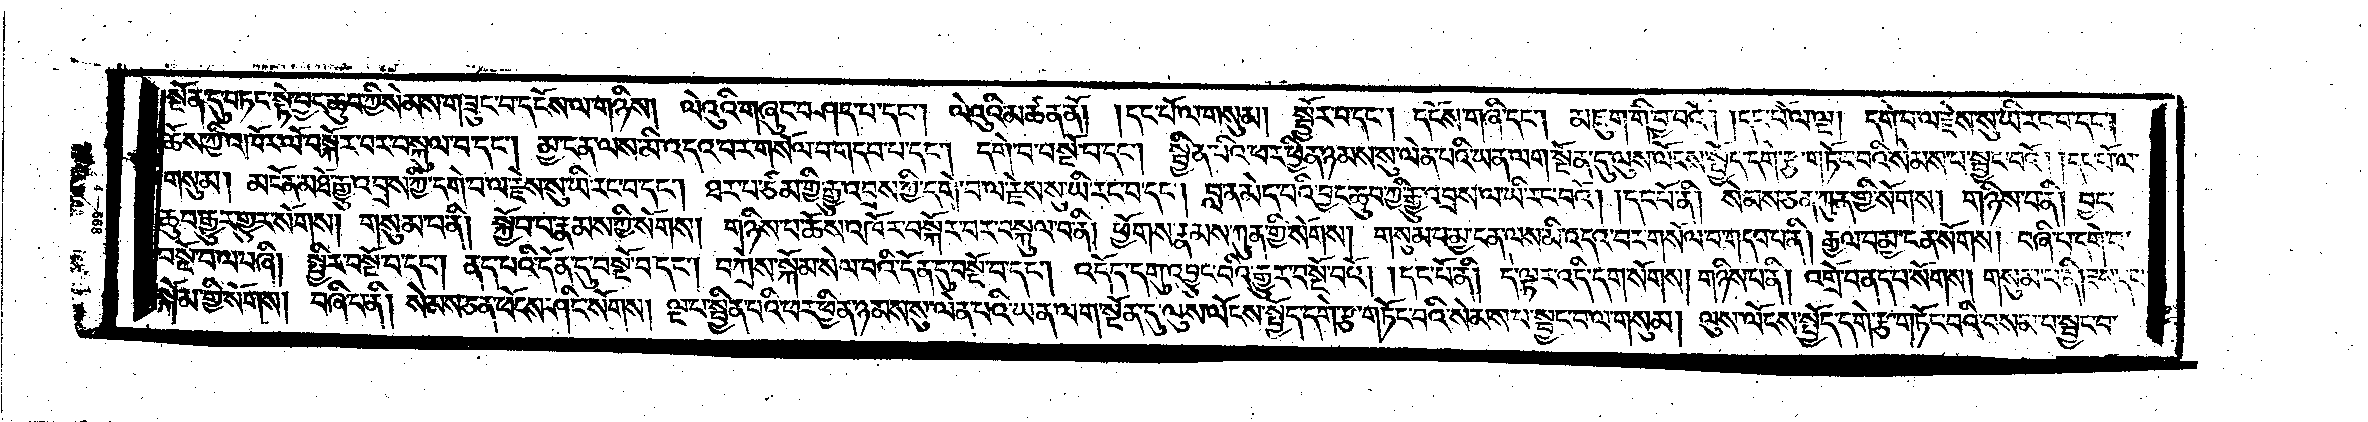སྔོན་དུ་བཏང་སྟེ་བྱང་ཆུབ་ཀྱི་སེམས་གཟུང་བ་དངོས་ལ་གཉིས། ལེའུའི་གཞུང་བཤད་པ་དང་། ལེའུའི་མཚན་ནོ། །དང་པོ་ལ་གསུམ། སྦྱོར་བ་དང་། དངོས་གཞི་དང་། མཇུག་གི་བྱ་བའོ། །དང་པོ་ལ་ལྔ། དགེ་བ་ལ་རྗེས་སུ་ཡི་རང་བ་དང་།
ཆོས་ཀྱི་འཁོར་ལོ་བསྐོར་བར་བསྐུལ་བ་དང་། མྱ་ངན་ལས་མི་འདའ་བར་གསོལ་བ་གདབ་པ་དང་། དགེ་བ་བསྔོ་པ་དང་། སྦྱིན་པའི་ཕར་ཕྱིན་ཉམས་སུ་ལེན་པའི་ཡན་ལག་སྔོན་དུ་ལུས་ལོངས་སྤྱོད་དགེ་རྩ་གཏོང་བའི་སེམས་པ་སྦྱང་བའོ། །དང་པོ་ལ་
གསུམ། མངོན་མཐོ་རྒྱུ་འབྲས་ཀྱི་དགེ་བ་ལ་རྗེས་སུ་ཡིད་རང་བ་དང་། ཐར་པ་ཙམ་གྱི་རྒྱུ་འབྲས་ཀྱི་དགེ་བ་ལ་རྗེས་སུ་ཡི་རང་བ་དང་། བླ་ན་མེད་པའི་བྱང་ཆུབ་ཀྱི་རྒྱུ་འབྲས་ལ་ཡི་རང་བའོ། །དང་པོ་ནི། སེམས་ཅན་ཀུན་གྱི་སོགས། གཉིས་པ་ནི། བྱང་
ཆུབ་རྒྱུར་གྱུར་སོགས། གསུམ་པ་ནི། སྐྱོབ་པ་རྣམས་ཀྱི་སོགས། གཉིས་པ་ཆོས་འཁོར་བསྐོར་བར་བསྐུལ་བ་ནི། ཕྱོགས་རྣམས་ཀུན་གྱི་སོགས། གསུམ་པ་མྱ་ངན་ལས་མི་འདའ་བར་གསོལ་བ་གདབ་པ་ནི། རྒྱལ་བ་མྱ་ངན་སོགས། བཞི་པ་དགེ་བ་
བསློ་བ་ལ་བཞི། སྤྱིར་བསྔོ་བ་དང་། ནད་པའི་དོན་དུ་བསྔོ་བ་དང་། བཀྲེས་སྐོམ་སེལ་བའི་དོན་དུ་བསྔོ་བ་དང་། འདོད་དགུ་འབྱུང་བའི་རྒྱུར་བསྔོ་བའོ། །དང་པོ་ནི། དེ་ལྟར་འདི་དག་སོགས། གཉིས་པ་ནི། འགྲོ་བ་ནད་པ་སོགས། གསུམ་པ་ནི། ཇས་དང་
སྐོམ་གྱི་སོགས། བཞི་པ་ནི། སེམས་ཅན་ཕོངས་ཤིང་སོགས། ལྔ་པ་སྦྱིན་པའི་ཕར་ཕྱིན་ཉམས་སུ་ལེན་པའི་ཡན་ལག་སྔོན་དུ་ལུས་ལོངས་སྤྱོད་དགེ་རྩ་གཏོང་བའི་སེམས་པ་སྦྱང་བ་ལ་གསུམ། ལུས་ལོངས་སྤྱོད་དགེ་རྩ་གཏོང་བའི་བསམ་པ་སྦྱང་བ་